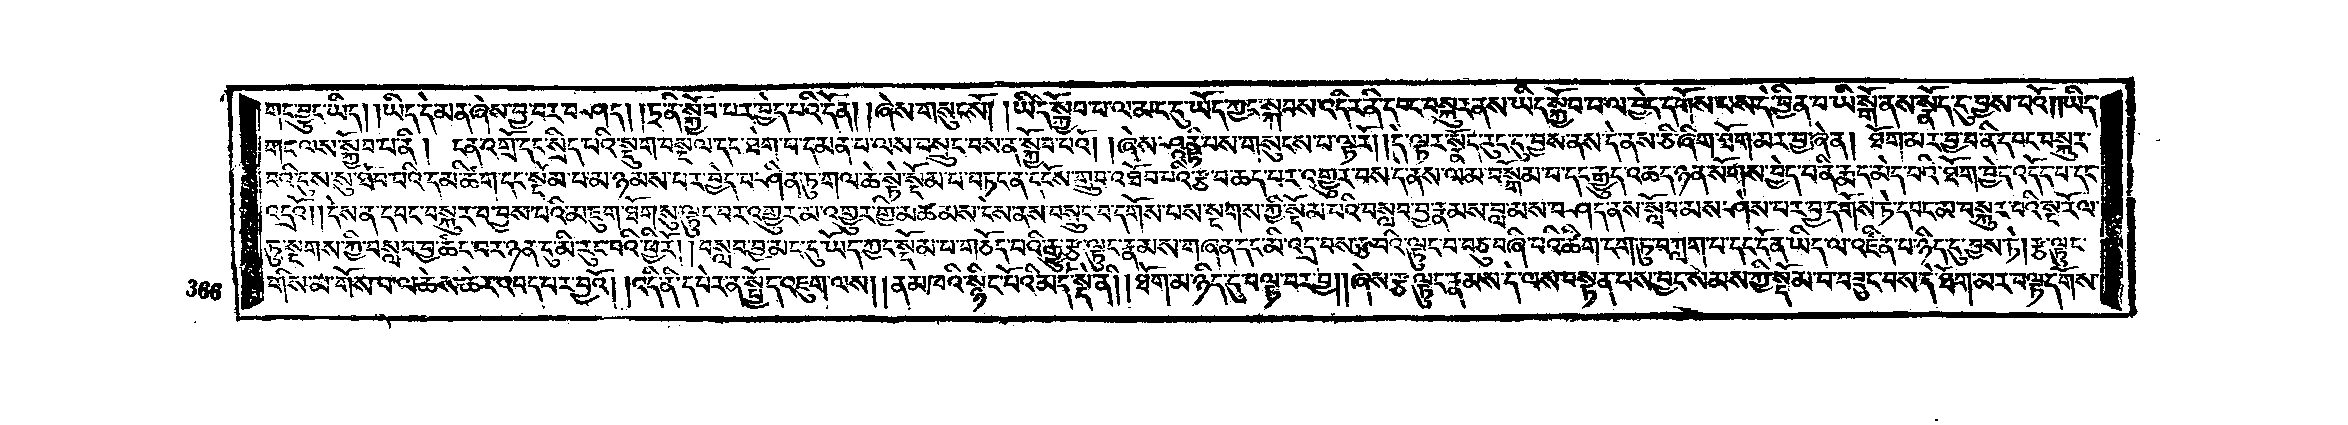གང་བྱུང་ཡིད། །ཡིད་དེ་མན་ཞེས་བྱ་བར་བཤད། །ཏྲ་ནི་སྐྱོབ་པར་བྱེད་པའི་དོན། །ཞེས་གསུངས་སོ། །ཡིད་སྐྱོབ་པ་ལ་མང་དུ་ཡོད་ཀྱང་སྐབས་འདིར་ནི་དབང་བསྐུར་ནས་ཡིད་སྐྱོབ་པ་ལ་བྱེད་དགོས་པས་དེ་བྱིན་པ་ཡི་སྒོ་ནས་སྣོད་དུ་བྱས་པའོ། །ཡིད་
གང་ལས་སྐྱོབ་པ་ནི། ངན་འགྲོ་དང་སྲིད་པའི་སྡུག་བསྔལ་དང་ཐེག་པ་དམན་པ་ལས་བསྲུང་བས་ན་སྐྱོབ་པའོ། །ཞེས་ཤཱནྟི་པས་གསུངས་པ་ལྟར་རོ། །དེ་ལྟར་སྣོད་རུང་དུ་བྱས་ནས་དེ་ནས་ཅི་ཞིག་ཐོག་མར་བྱ་ཞེ་ན། ཐོག་མར་བྱ་བ་ནི་དབང་བསྐུར་
བའི་དུས་སུ་ཐོབ་པའི་དམ་ཚིག་དང་སྡོམ་པ་མ་ཉམས་པར་བྱེད་པ་ཤིན་ཏུ་གལ་ཆེ་སྟེ་སྡོམ་པ་བཏང་ན་དངོས་གྲུབ་འཐོབ་པའི་རྩ་བ་ཆད་པར་འགྱུར་བས་དེ་ནས་ལམ་བསྒོམ་པ་དང་རྒྱུད་འཆད་ཉན་སོགས་བྱེད་པ་ནི་རྨད་མེད་པའི་ཐོག་བྱེད་འདོད་པ་དང་
འདྲའོ། །དེས་ན་དབང་བསྐུར་བ་བྱས་པའི་མཇུག་ཐོགས་སུ་ལྟུང་བར་འགྱུར་མ་འགྱུར་གྱི་མཚམས་ངེས་ནས་བསྲུང་བ་དགོས་པས་སྔགས་ཀྱི་སྡོམ་པའི་བསླབ་བྱ་རྣམས་བླ་མས་བཤད་ནས་སློབ་མས་ཤེས་པར་བྱ་དགོས་ཏེ་དབང་མ་བསྐུར་པའི་སྔ་རོལ་
ཏུ་སྔགས་ཀྱི་བསླབ་བྱ་ཚང་བར་ཉན་དུ་མི་རུང་བའི་ཕྱིར་རོ། །བསླབ་བྱ་མང་དུ་ཡོད་ཀྱང་སྡོམ་པ་གཅོད་པའི་རྒྱུ་རྩ་ལྟུང་རྣམས་གཞན་དང་མི་འདྲ་བས་རྩ་བའི་ལྟུང་བ་བཅུ་བཞི་པའི་ཚིག་ངག་ཏུ་བཀླག་པ་དང་དོན་ཡིད་ལ་འཛིན་པ་ཉིད་དུ་བྱས་ཏེ། རྩ་ལྟུང་
གིས་མ་གོས་པ་ལ་ཆེས་ཆེར་འབད་པར་བྱའོ། །འདི་ནི་དཔེར་ན་སྤྱོད་འཇུག་ལས། །ནམ་མཁའི་སྙིང་པོའི་མདོ་སྡེ་ནི། །ཐོག་མ་ཉིད་དུ་བལྟ་བར་བྱ། །ཞེས་རྩ་ལྟུང་རྣམས་དེ་ལས་བསྟན་པས་བྱང་སེམས་ཀྱི་སྡོམ་པ་བཟུང་བས་དེ་ཐོག་མར་བལྟ་དགོས་